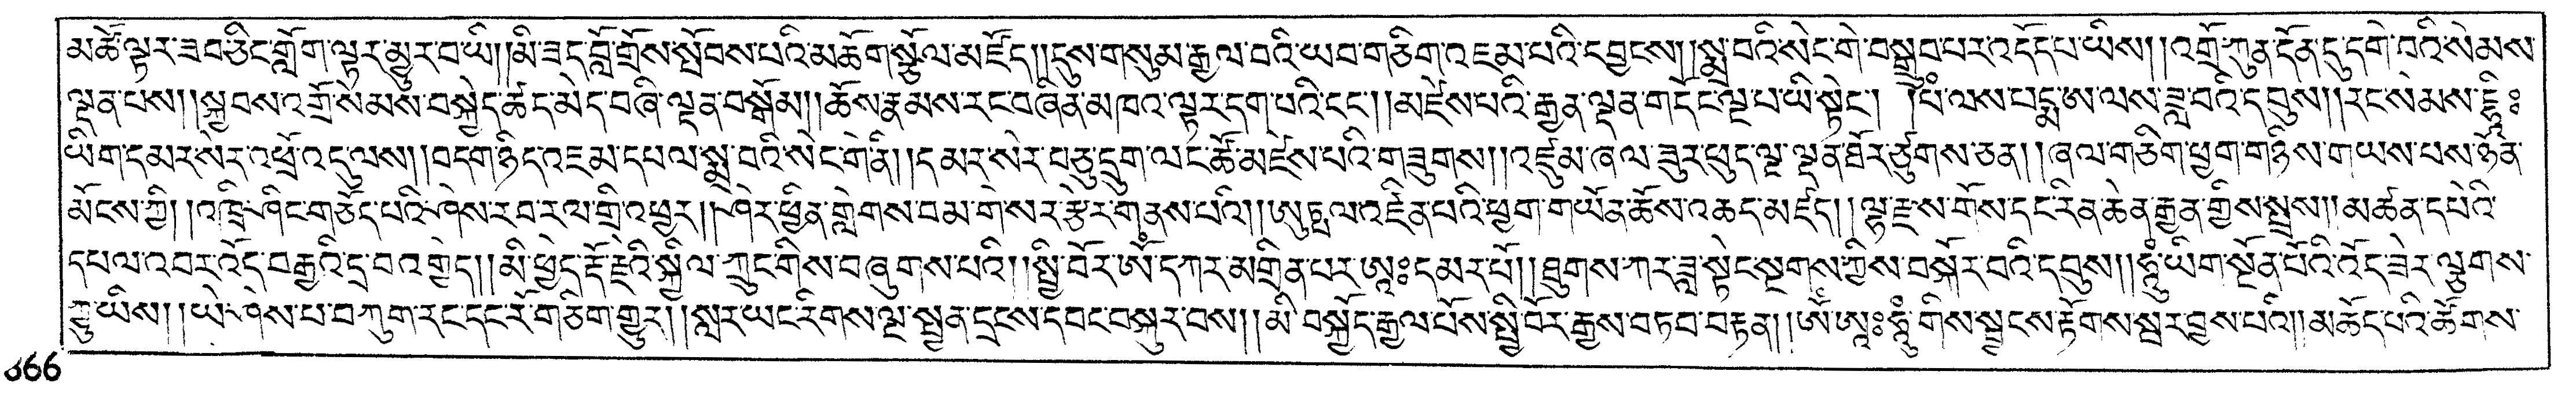མཚོ་ལྟར་ཟབ་ཅིང་གློག་ལྟར་མྱུར་བ་ཡི། །མི་ཟད་བློ་གྲོས་སྤོབས་པའི་མཆོག་སྩོལ་མཛོད། །དུས་གསུམ་རྒྱལ་བའི་ཡབ་གཅིག་འཇམ་པའི་དབྱངས། །སྨྲ་བའི་སེང་གེ་བསྒྲུབ་པར་འདོད་པ་ཡིས། །འགྲོ་ཀུན་དོན་དུ་དགེ་བའི་སེམས་
ལྡན་པས། །སྐྱབས་འགྲོ་སེམས་བསྐྱེད་ཚད་མེད་བཞི་ལྡན་བསྒོམ། །ཆོས་རྣམས་རང་བཞིན་མཁའ་ལྟར་དག་པའི་ངང་། །མཛེས་པའི་རྒྱན་ལྡན་གདོང་ལྔ་པ་ཡི་སྟེང་། །པཾ་ལས་པདམ་ཨ་ལས་ཟླ་བའི་དབུས། །རང་སེམས་དྷཱིཿ
ཡིག་དམར་སེར་འཕྲོ་འདུ་ལས། །བདག་ཉིད་འཇམ་དཔལ་སྨྲ་བའི་སེང་གེ་ནི། །དམར་སེར་བཅུ་དྲུག་ལང་ཚོ་མཛེས་པའི་གཟུགས། །འཛུམ་ཞལ་ཟུར་ཕུད་ལྔ་ལྡན་ཐོར་ཙུགས་ཅན། །ཞལ་གཅིག་ཕྱག་གཉིས་གཡས་པས་ཉོན་
མོངས་ཀྱི། །འཁྲི་ཤིང་གཅོད་པའི་ཤེས་རབ་རལ་གྲི་འཕྱར། །ཤེར་ཕྱིན་གླེགས་བམ་གེ་སར་རྩེར་གནས་པའི། །ཨུཏྤལ་འཛིན་པའི་ཕྱག་གཡོན་ཆོས་འཆད་མཛད། །ལྷ་རྫས་གོས་དང་རིན་ཆེན་རྒྱན་གྱིས་སྤྲས། །མཚན་དཔེའི་
དཔལ་འབར་འོད་བརྒྱའི་དྲ་བ་འགྱེད། །མི་ཕྱེད་རྡོ་རྗེའི་སྐྱིལ་ཀྲུང་གིས་བཞུགས་པའི། །སྤྱི་བོར་ཨོཾ་དཀར་མགྲིན་པར་ཨཱཿ དམར་པོ། །ཐུགས་ཀར་ཟླ་སྟེང་སྔགས་ཀྱིས་བསྐོར་བའི་དབུས། །ཧཱུཾ་ཡིག་སྔོན་པོའི་འོད་ཟེར་ལྕགས་
ཀྱུ་ཡིས། །ཡེ་ཤེས་པ་བཀུག་རང་དང་རོ་གཅིག་གྱུར། །སླར་ཡང་རིགས་ལྔ་སྤྱན་དྲངས་དབང་བསྐུར་བས། །མི་བསྐྱོད་རྒྱལ་པོས་སྤྱི་བོར་རྒྱས་བཏབ་བརྟན། །ཨོཾ་ཨཱཿ ཧཱུཾ་གིས་སྦྱངས་རྟོགས་སྦར་བྱས་པའི། །མཆོད་པའི་ཚོགས་